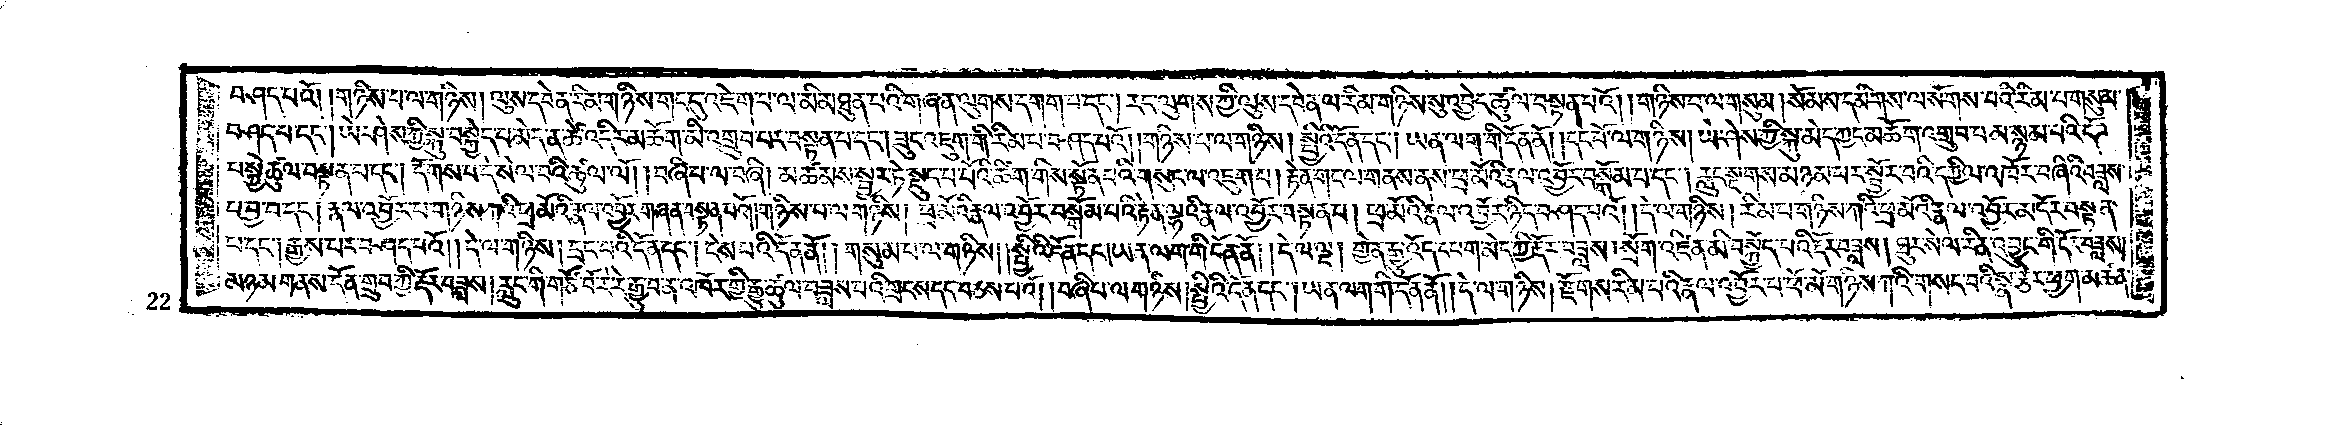བཤད་པའོ། །གཉིས་པ་ལ་གཉིས། ལུས་དབེན་རིམ་གཉིས་གང་དུ་འཇོག་པ་ལ་མི་མཐུན་པའི་གཞན་ལུགས་དགག་པ་དང་། རང་ལུགས་ཀྱི་ལུས་དབེན་ལ་རིམ་གཉིས་སུ་འབྱེད་ཚུལ་བསྟན་པའོ། །གཉིས་པ་ལ་གསུམ། སེམས་དམིགས་ལ་སོགས་པའི་རིམ་པ་གསུམ་
བཤད་པ་དང་། ཡེ་ཤེས་ཀྱི་སྐུ་བསྐྱེད་པ་མེད་ན་ཚེ་འདིར་མཆོག་མི་འགྲུབ་པར་བསྟན་པ་དང་། ཟུང་འཇུག་གི་རིམ་པ་བཤད་པའོ། །གཉིས་པ་ལ་གཉིས། སྤྱིའི་དོན་དང་། ཡན་ལག་གི་དོན་ནོ། །དང་པོ་ལ་གཉིས། ཡེ་ཤེས་ཀྱི་སྐུ་མེད་ཀྱང་མཆོག་འགྲུབ་བ་མ་སྙམ་པའི་དོགས་
པ་སྐྱེ་ཚུལ་བསྟན་པ་དང་། དོགས་པ་དེ་སེལ་བའི་ཚུལ་ལོ། །བཞི་པ་ལ་བཞི། མཚམས་སྦྱར་ཏེ་སྡུད་པ་པོའི་ཚིག་གིས་སྟོན་པའི་གསུང་ལ་འཇུག་པ། རྟེན་གང་ལ་གནས་ནས་ཕྲ་མོའི་རྣལ་འབྱོར་བསྒོམ་པ་དང་། རླུང་སྔགས་མཉམ་པར་སྦྱོར་བའི་དཀྱིལ་འཁོར་བཞིའི་བཟླས་
པ་བྱ་བ་དང་། རྣལ་འབྱོར་པ་གཉིས་ཀའི་ཕྲ་མོའི་རྣལ་འབྱོར་གཞན་བསྟན་པའོ། །གཉིས་པ་ལ་གཉིས། ཕྲ་མོའི་རྣལ་འབྱོར་བསྒོམ་པའི་རྟེན་ལྷའི་རྣལ་འབྱོར་བསྟན་པ། ཕྲ་མོའི་རྣལ་འབྱོར་ཉིད་བཤད་པའོ། །དེ་ལ་གཉིས། རིམ་པ་གཉིས་ཀའི་ཕྲ་མོའི་རྣལ་འབྱོར་མདོར་བསྟན་
པ་དང་། རྒྱས་པར་བཤད་པའོ། །དེ་ལ་གཉིས། དྲང་བའི་དོན་དང་། ངེས་པའི་དོན་ནོ། །གསུམ་པ་ལ་གཉིས། །སྤྱིའི་དོན་དང་། ཡན་ལག་གི་དོན་ནོ། །དེ་ལ་ལྔ། གྱེན་རྒྱུ་འོད་དཔག་མེད་ཀྱི་རྡོར་བཟླས། སྲོག་འཛིན་མི་བསྐྱོད་པའི་རྡོར་བཟླས། ཐུར་སེལ་རིན་འབྱུང་གི་རྡོར་བཟླས།
མཉམ་གནས་དོན་གྲུབ་ཀྱི་རྡོར་བཟླས། རླུང་གི་གཙོ་བོ་རེ་རེ་རྒྱུ་བ་ན་འཁོར་གྱི་རྒྱུ་ཚུལ་བཟླས་པའི་གྲངས་དང་བཅས་པའོ། །བཞི་པ་ལ་གཉིས། སྤྱིའི་དོན་དང་། ཡན་ལག་གི་དོན་ནོ། །དེ་ལ་གཉིས། རྫོགས་རིམ་པའི་རྣལ་འབྱོར་པ་ཕོ་མོ་གཉིས་ཀའི་གསང་བའི་སྣ་རྩེར་ཕྱག་མཚན་